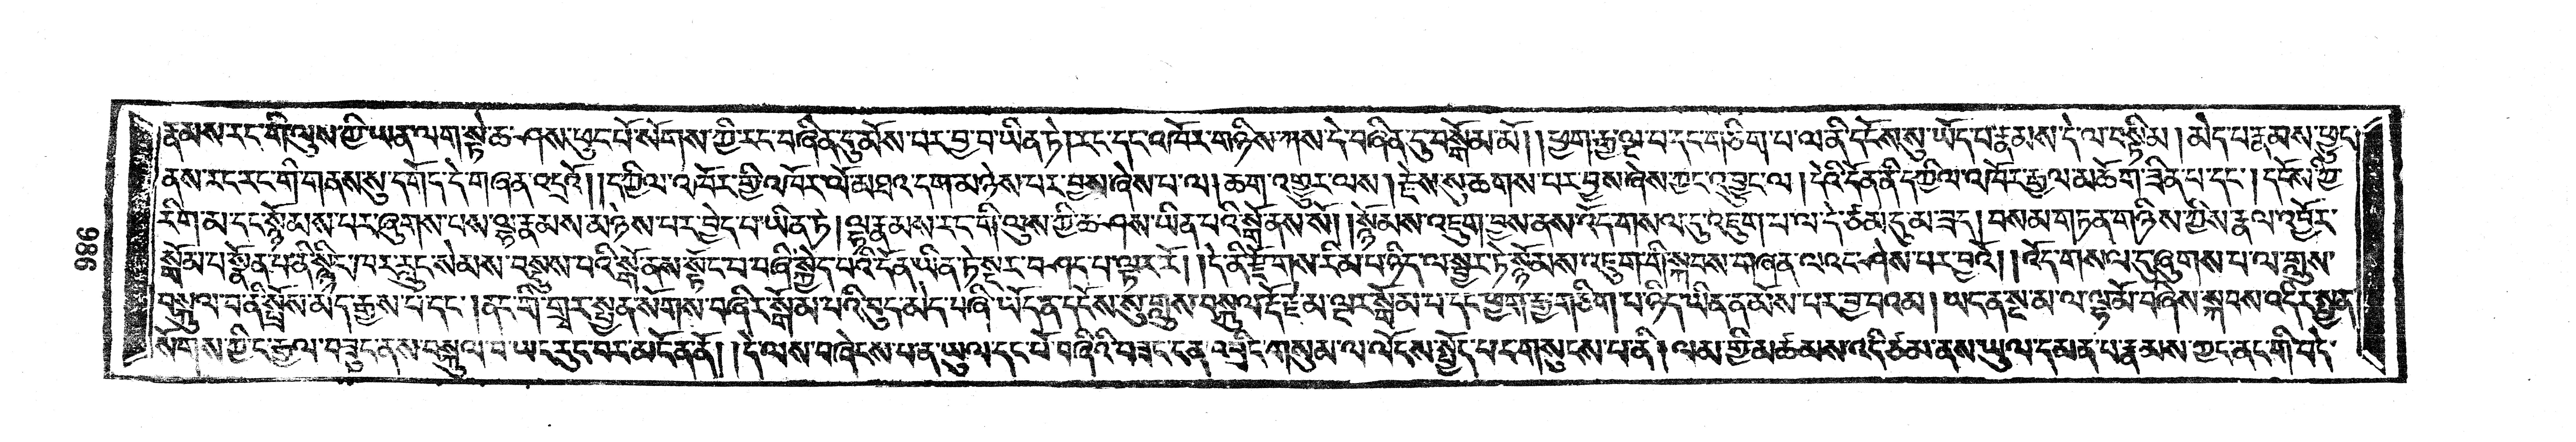རྣམས་རང་གི་ལུས་ཀྱི་ཡན་ལག་སྟེ་ཆ་ཤས་ཕུང་པོ་སོགས་ཀྱི་རང་བཞིན་དུ་མོས་པར་བྱ་བ་ཡིན་ཏེ། རང་དང་འཁོར་གཉིས་ཀས་དེ་བཞིན་དུ་བསྒོམ་མོ། །ཕྱག་རྒྱ་ལྔ་པ་དང་གཅིག་པ་ལ་ནི་དངོས་སུ་ཡོད་པ་རྣམས་དེ་ལ་བསྟིམ། མེད་པ་རྣམས་ཕྱུང་
ནས་རང་རང་གི་གནས་སུ་དགོད་དེ་གཞན་འདྲའོ། །དཀྱིལ་འཁོར་གྱི་འཁོར་ལོ་མཐའ་དག་མཉེས་པར་བྱས་ཞེས་པ་ལ། ཆག་འགྱུར་ལས། རྗེས་སུ་ཆགས་པར་བྱས་ཞེས་ཀྱང་འབྱུང་ལ། དེའི་དོན་ནི་དཀྱིལ་འཁོར་རྒྱལ་མཆོག་ཟིན་པ་དང་། དངོས་ཀྱི་རིག་མ་དང་སྙོམས་པར་ཞུགས་པས་ལྷ་རྣམས་མཉེས་པར་བྱེད་པ་ཡིན་ཏེ། ལྷ་རྣམས་རང་གི་ལུས་ཀྱི་ཆ་ཤས་ཡིན་པའི་སྒོ་ནས་སོ། །སྙོམས་འཇུག་བྱས་ནས་འོད་གསལ་དུ་འཇུག་པ་ལ་དེ་ཙམ་དུ་མ་ཟད། བསམ་གཏན་གཉིས་ཀྱིས་རྣལ་འབྱོར་
སྒོམ་པ་སྣོན་པ་ནི་སྙིང་ཁར་རླུང་སེམས་བསྡུས་པའི་སྒོ་ནས་སྟོང་པ་བཞི་སྐྱེད་པའི་དོན་ཡིན་ཏེ་སྔར་བཤད་པ་ལྟར་རོ། །དེ་ནི་རྫོགས་རིམ་པ་ཉིད་ལ་སྦྱར་ཏེ་སྙོམས་འཇུག་གི་སྐབས་གཞན་ལའང་ཤེས་པར་བྱའོ། །འོད་གསལ་དུ་ཞུགས་པ་ལ་གླུས་
བསྐུལ་བ་ནི་སྤྲོས་མེད་རྒྱས་པ་དང་། ནང་གི་གྲྭར་སྤྱན་སོགས་བཞིར་སྒོམ་པའི་བུད་མེད་བཞི་ཡོད་ན་དངོས་སུ་གླུས་བསྐུལ་རྡོ་རྗེ་མ་ལྔར་སྒོམ་པ་དང་ཕྱག་རྒྱ་གཅིག་པ་ཉིད་ཡིན་ན་མོས་པར་བྱ་བའམ། ཡང་ན་སྔ་མ་ལ་ལྷ་མོ་བཞིས་སྐབས་འདིར་སྤྱན་
སོགས་ཀྱི་ང་རྒྱལ་བཟུང་ནས་བསྐུལ་བ་ཡང་རུང་བར་མངོན་ནོ། །དེ་ལས་བཞེངས་པ་ན་ཡུལ་དང་པོ་བཞིའི་བཟང་ངན་འབྲིང་གསུམ་ལ་ལོངས་སྤྱོད་པར་གསུངས་པ་ནི། ལམ་གྱི་མཚམས་འདི་ཙམ་ནས་ཡུལ་དམན་པ་རྣམས་ཀྱང་ནང་གི་བདེ་